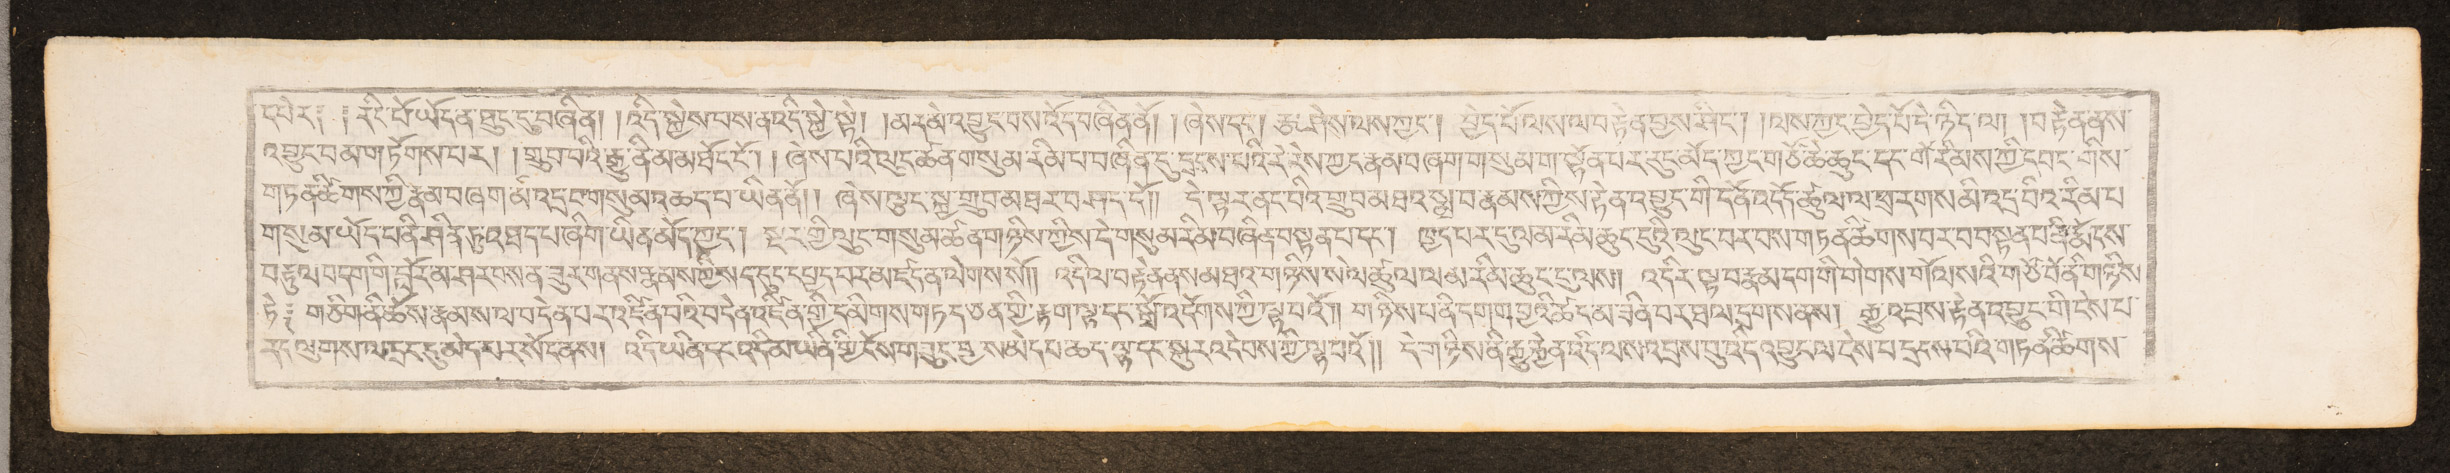དཔེར༑ ༑རིང་པོ་ཡོད་ན་ཐུང་དུ་བཞིན། །འདི་སྐྱེས་བས་ན་འདི་སྐྱེ་སྟེ། །མར་མེ་འབྱུང་བས་འོད་བཞིན་ནོ། །ཞེས་དང་། རྩ་ཤེས་ལས་ཀྱང་། བྱེད་པོ་ལས་ལ་བརྟེན་བྱས་ཤིང་། །ལས་ཀྱང་བྱེད་པོ་དེ་ཉིད་ལ། །བརྟེན་ནས་
འབྱུང་བ་མ་གཏོགས་པར། །གྲུབ་པའི་རྒྱུ་ནི་མ་མཐོང་ངོ། །ཞེས་པའི་ལུང་ཚན་གསུམ་རིམ་པ་བཞིན་དུ་དྲངས་པའི་རེ་རེས་ཀྱང་རྣམ་བཞག་གསུམ་ག་ལྟོན་པར་རུང་མོད་ཀྱང་གཙོ་ཆེ་ཆུང་དང་གོ་རིམས་ཀྱི་དབང་གིས་
གཏན་ཚིགས་ཀྱི་རྣམ་བཞག་མི་འདྲ་བ་གསུམ་འཆད་པ་ཡིན་ནོ། །ཞེས་ལྕང་སྐྱ་གྲུབ་མཐར་བཤད་དོ། དེ་ལྟར་ནང་པའི་གྲུབ་མཐའ་སྨྲ་བ་རྣམས་ཀྱིས་རྟེན་འབྱུང་གི་དོན་འདོད་ཚུལ་ལ་ཕྲ་རགས་མི་འདྲ་བའི་རིམ་པ་
གསུམ་ཡོད་པ་ནི་ཤིན་ཏུ་འཐད་པ་ཞིག་ཡིན་མོད་ཀྱང་། སྔར་གྱི་ལུང་གསུམ་ཚན་གཉིས་ཀྱིས་དེ་གསུམ་རིམ་བཞིན་བསྟན་པ་དང་། ཁྱད་པར་དུ་ལམ་རིམ་ཆུང་དུའི་ལུང་བར་བས་གཏན་ཚིགས་བར་བ་བསྟན་པ་ནི་རྨོངས་
བརྟུལ་བདག་གི་བློར་མ་ཤར་བས་ན་ཟུར་གནས་རྣམས་ཀྱིས་ད་དུང་དཔྱད་པར་མཛད་ན་ལེགས་སོ། །འདི་ལ་བརྟེན་ནས་མཐའ་གཉིས་སེལ་ཚུལ་ལམ་རིམ་ཆུང་ངུ་ལས། འདིར་ལྟ་བ་རྣམས་དག་གི་གེགས་གོལ་སའི་གཙོ་བོ་ནི་གཉིས་
ཏེ༑ གཅིག་ནི་ཆོས་རྣམས་ལ་བདེན་པར་འཛིན་པའི་བདེན་འཛིན་གྱི་དམིགས་གཏད་ཅན་གྱི་རྟག་ལྷ་དང་སྒྲོ་འདོགས་ཀྱི་ལྟ་བའོ། །གཉིས་པ་ནི་དགག་བྱའི་ཚད་མ་ཟིན་པར་ཐལ་དྲགས་ནས། རྒྱུ་འབྲས་རྟེན་འབྱུང་གི་ངེས་པ་
རང་ལུགས་ལ་དྲང་དུ་མེད་པར་སོང་ནས། འདི་ཡིན་དང་འདི་མ་ཡིན་གྱི་ངོས་གཟུང་བྱ་ས་མེད་པ་ཚད་ལྟ་དང་སྐུར་འདེབས་ཀྱི་ལྟ་བའོ། །དེ་གཉིས་ནི་རྒྱུ་རྐྱེན་འདི་ལས་འབྲས་བུ་འདི་འབྱུང་ལ་ངེས་པ་དྲངས་པའི་གཏན་ཚིགས་